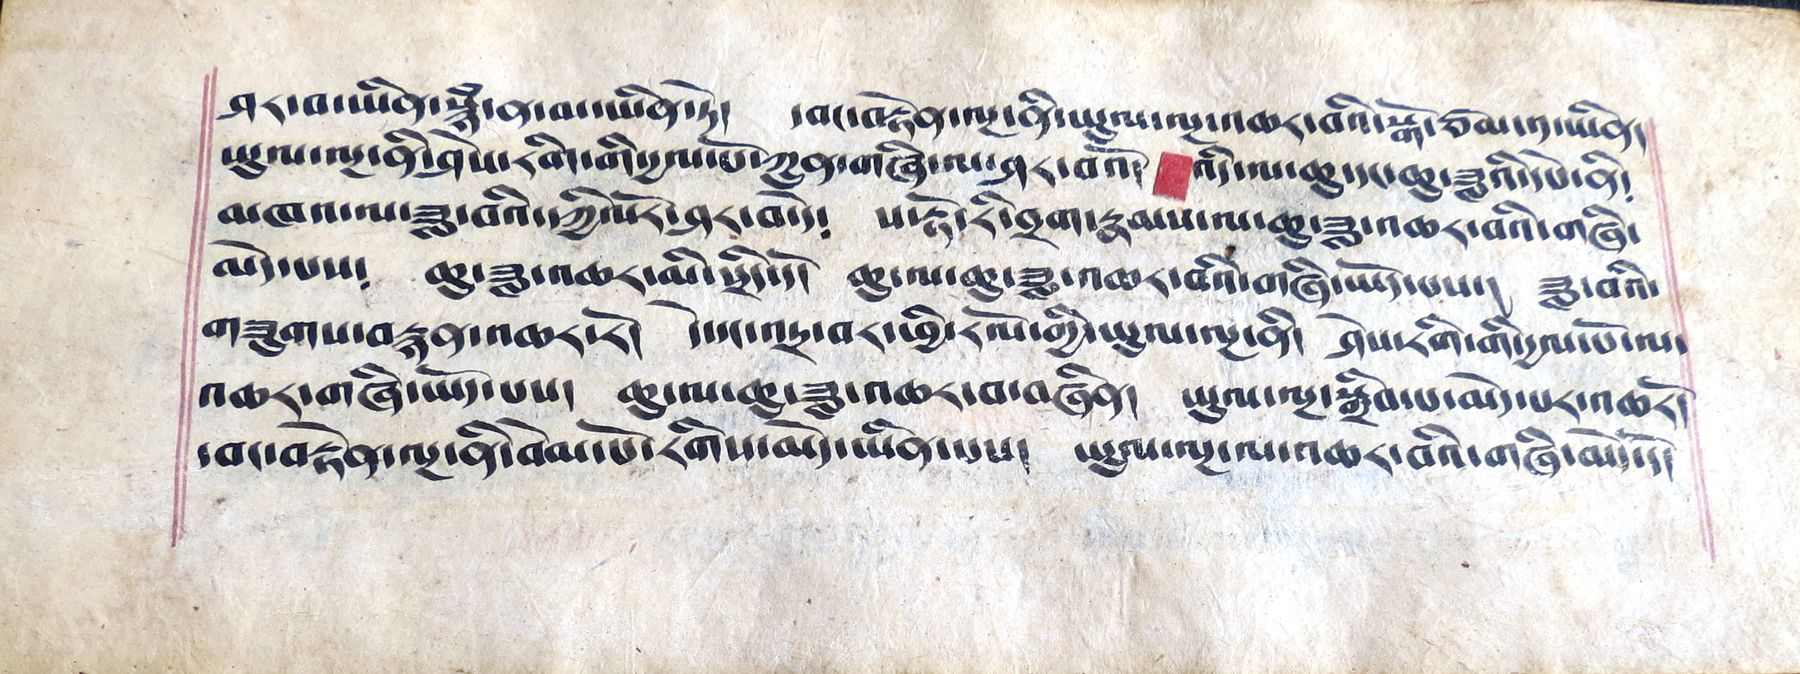ཤར་བ་ཡིན་སྙམ་ན་མ་ཡིན་ཏེ། དབང་རྟེན་ལྔ་ནི་ཡུལ་ལྔ་འཆར་བའི་སྒོ་ཙམ་ཡིན་ནོ། ། 
ཡུལ་ལྔ་ནི་ཤེས་རིག་གི་རྒྱལ་པོ་ཀུན་གཞི་ལ་ཤར་བའོ། ། འདི་ལ་ཆུ་དང་ཆུ་ཟླའི་དཔེ་ནི་
མཁའ་ལ་ཟླ་བའི་དཀྱིལ་འཁོར་ཤར་བ་དེ། ས་རྡོ་རི་བྲག་རྣམས་ལ་ཆུ་ཟླ་འཆར་བའི་གཞི་
མེད་པས། ཆུ་ཟླ་འཆར་བ་མི་སྲིད་དོ། ། ཆུ་ལ་ཆུ་ཟླ་འཆར་བའི་གཞི་ཡོད་པས། ཟླ་བའི་
གཟུགས་བརྙན་འཆར་བའོ། ། དེ་དང་འདྲ་བར་ཕྱི་རོལ་ཡུལ་ལྔ་ནི། ཤེས་རིག་གི་རྒྱལ་པོ་ལ་
འཆར་གཞི་ཡོད་པས། ཆུ་ལ་ཆུ་ཟླ་འཆར་བ་བཞིན། ཡུལ་ལྔ་སྒྲིབ་པ་མེད་པར་འཆར་རོ། ། 
དབང་རྟེན་ལྔ་ནི་བེམ་པོ་རིག་མེད་ཡིན་པས་ཡུལ་ལྔ་འཆར་བའི་གཞི་མེད་དོ། །